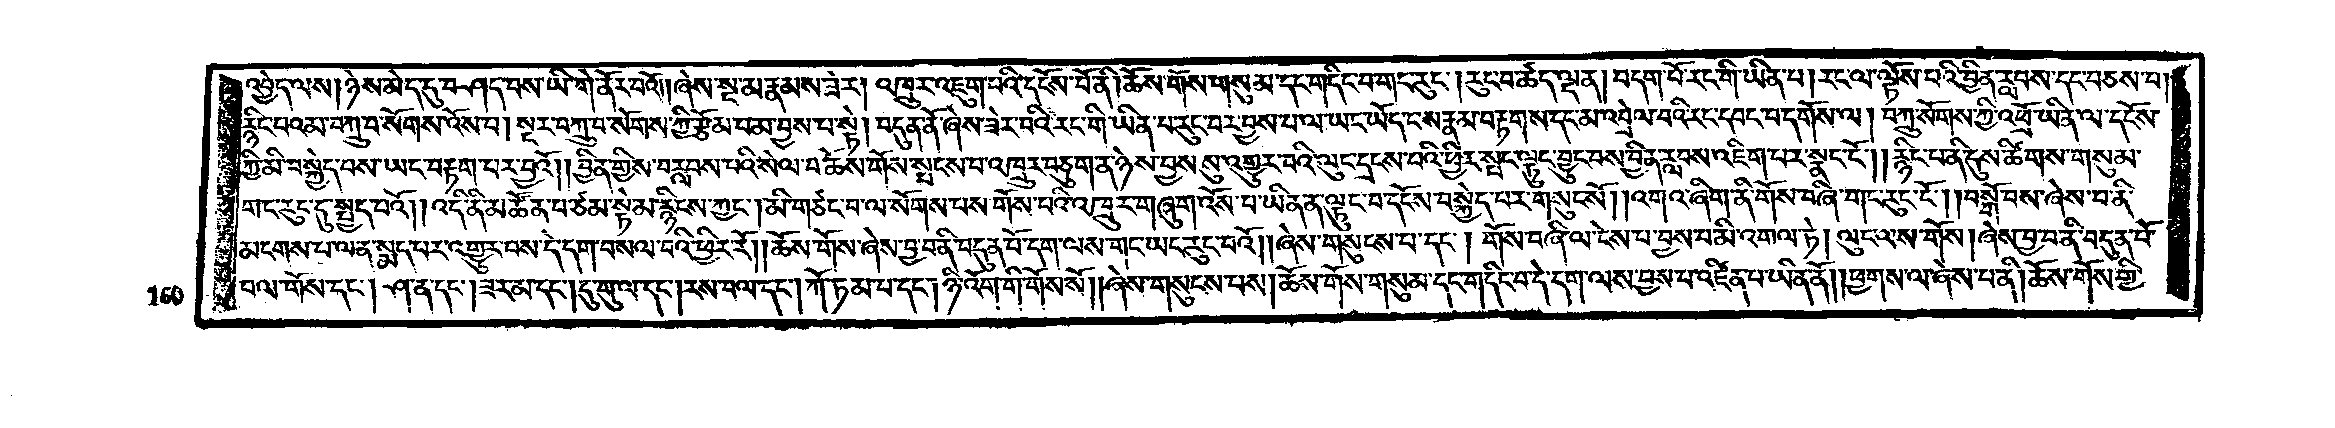འབྱེད་ལས། ཉེས་མེད་དུ་བཤད་པས་ཡི་གེ་ནོར་བའོ། །ཞེས་སྔ་མ་རྣམས་ཟེར། འཁྲུར་འཇུག་པའི་དངོས་པོ་ནི། ཆོས་གོས་གསུམ་དང་གདིང་བ་གང་རུང་། རུང་བ་ཚད་ལྡན། བདག་པོ་རང་གི་ཡིན་པ། རང་ལ་ལྟོས་པའི་བྱིན་རླབས་དང་བཅས་པ།
རྙིང་པའམ་བཀྲུ་བ་སོགས་འོས་པ། སྔར་བཀྲུ་བ་སོགས་ཀྱི་རྩོམ་པ་མ་བྱས་པ་སྟེ། བདུན་ནོ་ཞེས་ཟེར་བའི་རང་གི་ཡིན་པ་རུང་བར་བྱས་པ་ལ་ཡང་ཡོད་པས་རྣམ་བརྟགས་དང་མ་འབྲེལ་བའི་རང་དབང་བ་དགོས་ལ། བཀྲུ་སོགས་ཀྱི་འཕྲོ་ཡིན་ལ་དངོས་
ཀྱི་མི་བསྐྱེད་པས་ཡང་བརྟག་པར་བྱའོ། །བྱིན་གྱིས་བརླབས་པའི་སེལ་བ་ཆོས་གོས་སྤངས་པ་འཁྲུར་བཅུག་ན་ཉེས་བྱས་སུ་འགྱུར་བའི་ལུང་དྲངས་པའི་ཕྱིར་སྤང་ལྟུང་བྱུང་བས་བྱིན་རླབས་འཇིག་པར་སྣང་ངོ། །རྙིང་པ་ནི་དུས་ཚིགས་གསུམ་
གང་རུང་དུ་སྤྱད་པའོ། །འདི་ནི་མཚོན་པ་ཙམ་སྟེ་མ་རྙིངས་ཀྱང་། མི་གཙང་བ་ལ་སོགས་པས་གོས་པའི་འཁྲུར་གཞུག་འོས་པ་ཡིན་ན་ལྟུང་བ་དངོས་བསྐྱེད་པར་གསུངས་སོ། །འགའ་ཞིག་ནི་གོས་བཞི་གང་རུང་ངོ། །བསྒོ་བས་ཞེས་པ་ནི་
མངགས་པ་ལན་སྨད་པར་འགྱུར་བས་དེ་དག་བསལ་བའི་ཕྱིར་རོ། །ཆོས་གོས་ཞེས་བྱ་བ་ནི་བདུན་པོ་དག་ལས་གང་ཡང་རུང་བའོ། །ཞེས་གསུངས་པ་དང་། གོས་བཞི་ལ་ངེས་པ་བྱས་པ་མི་འགལ་ཏེ། ལུང་ལས་གོས། ཞེས་བྱ་བ་ནི་བདུན་པོ་
བལ་གོས་དང་། ཤ་ན་དང་། ཟར་མ་དང་། དུ་གུ་ལ་དང་། རས་བལ་དང་། ཀོ་ཏམ་པ་དང་། ཉི་འོག་གི་གོས་སོ། །ཞེས་གསུངས་པས། ཆོས་གོས་གསུམ་དང་གདིང་ང་དེ་དག་ལས་བྱས་པ་འཛིན་པ་ཡིན་ནོ། །ཕྱགས་ལ་ཞེས་པ་ནི། ཆོས་གོས་གྱི་